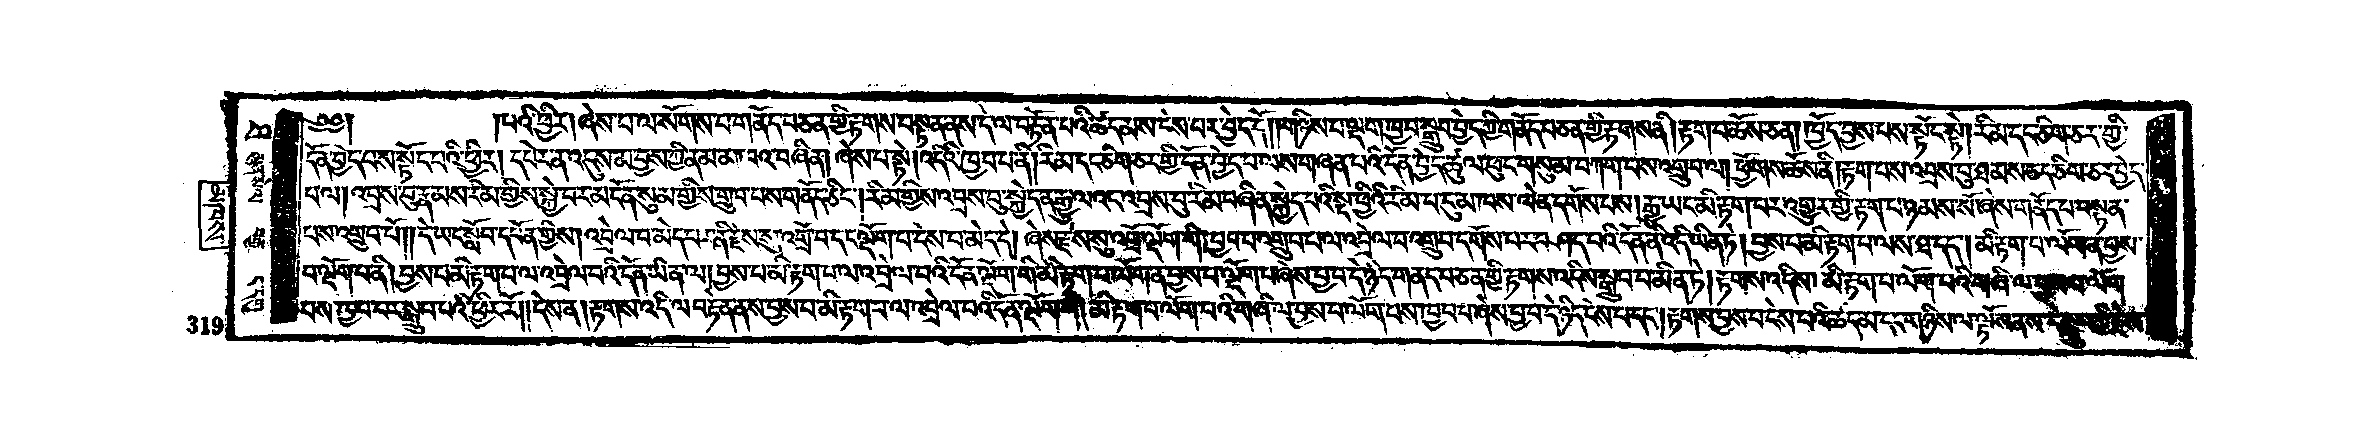༄༅། །པའི་ཕྱིར། ཞེས་པ་ལ་སོགས་པ་གནོད་པ་ཅན་གྱི་རྟགས་བསྟན་ནས་དེ་ལ་བརྟོན་པའི་ཚད་མས་ངེས་པར་བྱེད་དོ། །གཉིས་པ་ལྡོག་ཁྱབ་སྒྲུབ་བྱེད་ཀྱི་གནོད་པ་ཅན་གྱི་རྟགས་ནི། རྟག་པ་ཆོས་ཅན། ཁྱོད་བྱས་པས་སྟོང་སྟེ། རིམ་དང་ཅིག་ཅར་གྱི་
དོན་བྱེད་པས་སྟོང་པའི་ཕྱིར། དཔེར་ན་འདུས་མ་བྱས་ཀྱི་ནམ་མཁའ་བཞིན། ཞེས་པ་སྟེ། འདིའི་ཁྱབ་པ་ནི། རིམ་དང་ཅིག་ཅར་གྱི་དོན་བྱེད་པ་ལས་གཞན་པའི་དོན་བྱེད་ཚུལ་ཕུང་གསུམ་བཀག་པས་འགྲུབ་ལ། ཕྱོགས་ཆོས་ནི། རྟག་པས་འབྲས་བུ་ཐམས་ཅད་ཅིག་ཅར་བྱེད་
པ་ལ། འབྲས་བུ་རྣམས་རིམ་གྱིས་སྐྱེ་བར་མངོན་སུམ་གྱིས་གྲུབ་པས་གནོད་ཅིང་། རིམ་གྱིས་འབྲས་བུ་སྐྱེད་ན་རྒྱུ་ལའང་འབྲས་བུ་རིམ་བཞིན་སྐྱེད་པའི་སྔ་ཕྱིའི་རིམ་པ་དུ་མ་ཁས་ལེན་དགོས་པས། རྒྱུ་ཡང་མི་རྟག་པར་འགྱུར་གྱི་རྟག་པ་ཉམས་སོ་ཞེས་གནོད་པ་བསྟན་
པས་འགྲུབ་པོ། །དེ་ཡང་སློབ་དཔོན་གྱིས། འབྲེལ་བ་མེད་པར་ནི་རྗེས་སུ་འགྲོ་བ་དང་ལྡོག་པ་ངེས་པ་མེད་དེ། ཞེས་རྗེས་སུ་འགྲོ་ལྡོག་གི་ཁྱབ་པ་འགྲུབ་པ་ལ་འབྲེལ་བ་འགྲུབ་དགོས་པར་བཤད་པའི་དོན་ནི་འདི་ཡིན་ཏེ། བྱས་པ་མི་རྟག་པ་ལས་ཐ་དད། མི་རྟག་པ་ལོག་ན་བྱས་
པ་ལྡོག་པ་ནི། བྱས་པ་མི་རྟག་པ་ལ་འབྲེལ་བའི་དོན་ཡིན་ལ། བྱས་པ་མི་རྟག་པ་ལ་འབྲེལ་བའི་དོན་ལྡོག་གི་མི་རྟག་པ་ལོག་ན་བྱས་པ་ལྡོག་པ་ཞེས་བྱ་བ་དེ་ཉིད་གནད་པ་ཅན་གྱི་རྟགས་འདིས་སྒྲུབ་པ་མིན་ཏེ། རྟགས་འདིས། མི་རྟག་པ་ལོག་པའི་གཞི་ལ་བྱས་པ་ལོག་
པས་ཁྱབ་པར་སྒྲུབ་པའི་ཕྱིར་རོ། །དེས་ན། རྟགས་འདི་ལ་བརྟེན་ནས་བྱས་པ་མི་རྟག་པ་ལ་འབྲེལ་བའི་དོན་ལྡོག་གི། མི་རྟག་པ་ལོག་པའི་གཞི་ལ་བྱས་པ་ལོག་པས་ཁྱབ་པ་ཞེས་བྱ་བ་དེ་ཉིད་ངེས་པ་དང་། རྟགས་བྱས་པ་ངེས་པའི་ཚད་མ་དང་གཉིས་ལ་ལྟོས་ནས་དེ་སྒྲུབ་ཀྱི་རྗེས་